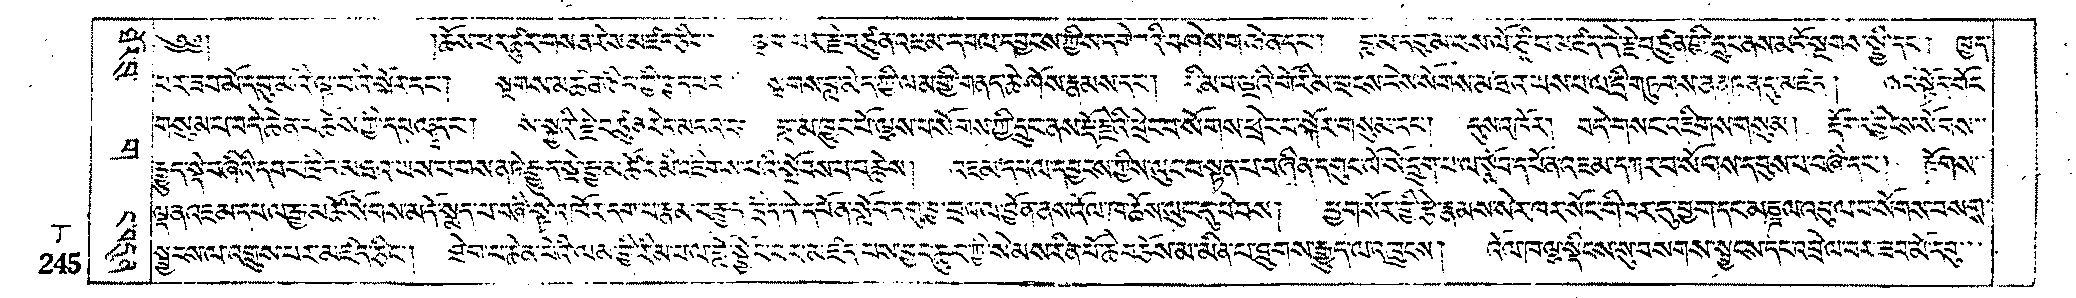༄༅། །ཆོས་ཕར་ཚུར་གསན་རེས་མཛད་ཅིང་། ལྷག་པར་རྗེ་བཙུན་འཇམ་དཔལ་དབྱངས་ཀྱི་ས་དགེ་བའི་བཤེས་གཉེན་དང་། བླ་མ་དབུ་མ་བས་ལོ་ཙཱ་བ་མཛད་དེ་རྗེ་བཙུན་གྱི་དྲུང་ནས་མདོ་སྔགས་སྤྱི་དང་། ཁྱད་
པར་ཟབ་མོ་དབུ་མའི་ལྟ་བའི་སྐོར་དང་། སྔགས་མཚན་ཉིད་ཀྱི་ཁྱད་པར། སྔགས་བླ་མེད་ཀྱི་ལམ་གྱི་གནད་ཆེ་ཤོས་རྣམས་དང་། རིམ་པ་ལྔའི་གོ་རིམ་གྲངས་ངེས་སོགས་མཐའ་ཡས་པ་ལ་དྲི་གཏུགས་ནན་ཏན་དུ་མཛད། ཉང་སྟོད་གོང་
གསུམ་པ་བདེ་ཆེན་པ་ཆོས་ཀྱི་དཔལ་བ་དང་། ས་ཤྐྱའི་རྗེ་བཙུན་རེད་མདའ་བ། བླ་མ་ཁྱུང་པོ་ལྷས་པ་སོགས་ཀྱི་དྲུང་ནས་རྡོ་རྗེའི་ཕྲེང་བ་སོགས་ཕྲེང་བ་སྐོར་གསུམ་དང་། དུས་འཁོར། བདེ་གསང་འཇིགས་གསུམ། རྡོར་དབྱིངས་སོགས་་་
རྒྱུད་སྡེ་བཞིའི་དབང་ཁྲིད་མཐའ་ཡས་པ་གསན་ཏེ་རྒྱུད་སྡེ་རྒྱ་མཚོར་མི་འཇིགས་པའི་སྤོབས་པ་བརྙེས། འཇམ་དཔལ་དབྱངས་ཀྱིས་ལུང་བསྟན་པ་བཞིན་དགུང་ལོ་སོ་དྲུག་པ་ལ་སློབ་དཔོན་འཇམ་དཀར་བ་སོགས་དབུས་པ་བཞི་དང་། རྟོགས་་་
ལྡན་འཇམ་དཔལ་རྒྱ་མཚོ་སོགས་མདོ་སྨད་པ་བཞི་སྟེ་འཁོར་དག་པ་རྣམ་བརྒྱད་ཁྲིད་དེ་དཔོན་སློབ་དགུ་བྱ་བྲལ་ལ་བྱོན་ནས་འོལ་ཁ་ཆོས་ལུང་དུ་ཕེབས། ཕྱག་སོར་གྱི་རྩེ་རྣམས་སེར་ཁར་སོང་གི་བར་དུ་ཕྱག་དང་མཎྜལ་འབུལ་བ་སོགས་བསགས་
སྦྱངས་ལ་འགྲུས་པར་མཛད་ཅིང་། ཐེག་པ་ཆེན་པོའི་ལམ་གྱི་རིམ་པ་ལ་བློ་སྦྱོང་བར་མཛད་པས་བྱང་ཆུབ་ཀྱི་སེམས་རིན་པོ་ཆེ་བཅོས་མ་མིན་པ་ཐུགས་རྒྱུད་ལ་འཁྲུངས། འོལ་ཁ་ལྷ་སྡིངས་སུ་བསགས་སྦྱངས་དང་འབྲེལ་བར་ཟབ་མོ་དབུ་་་